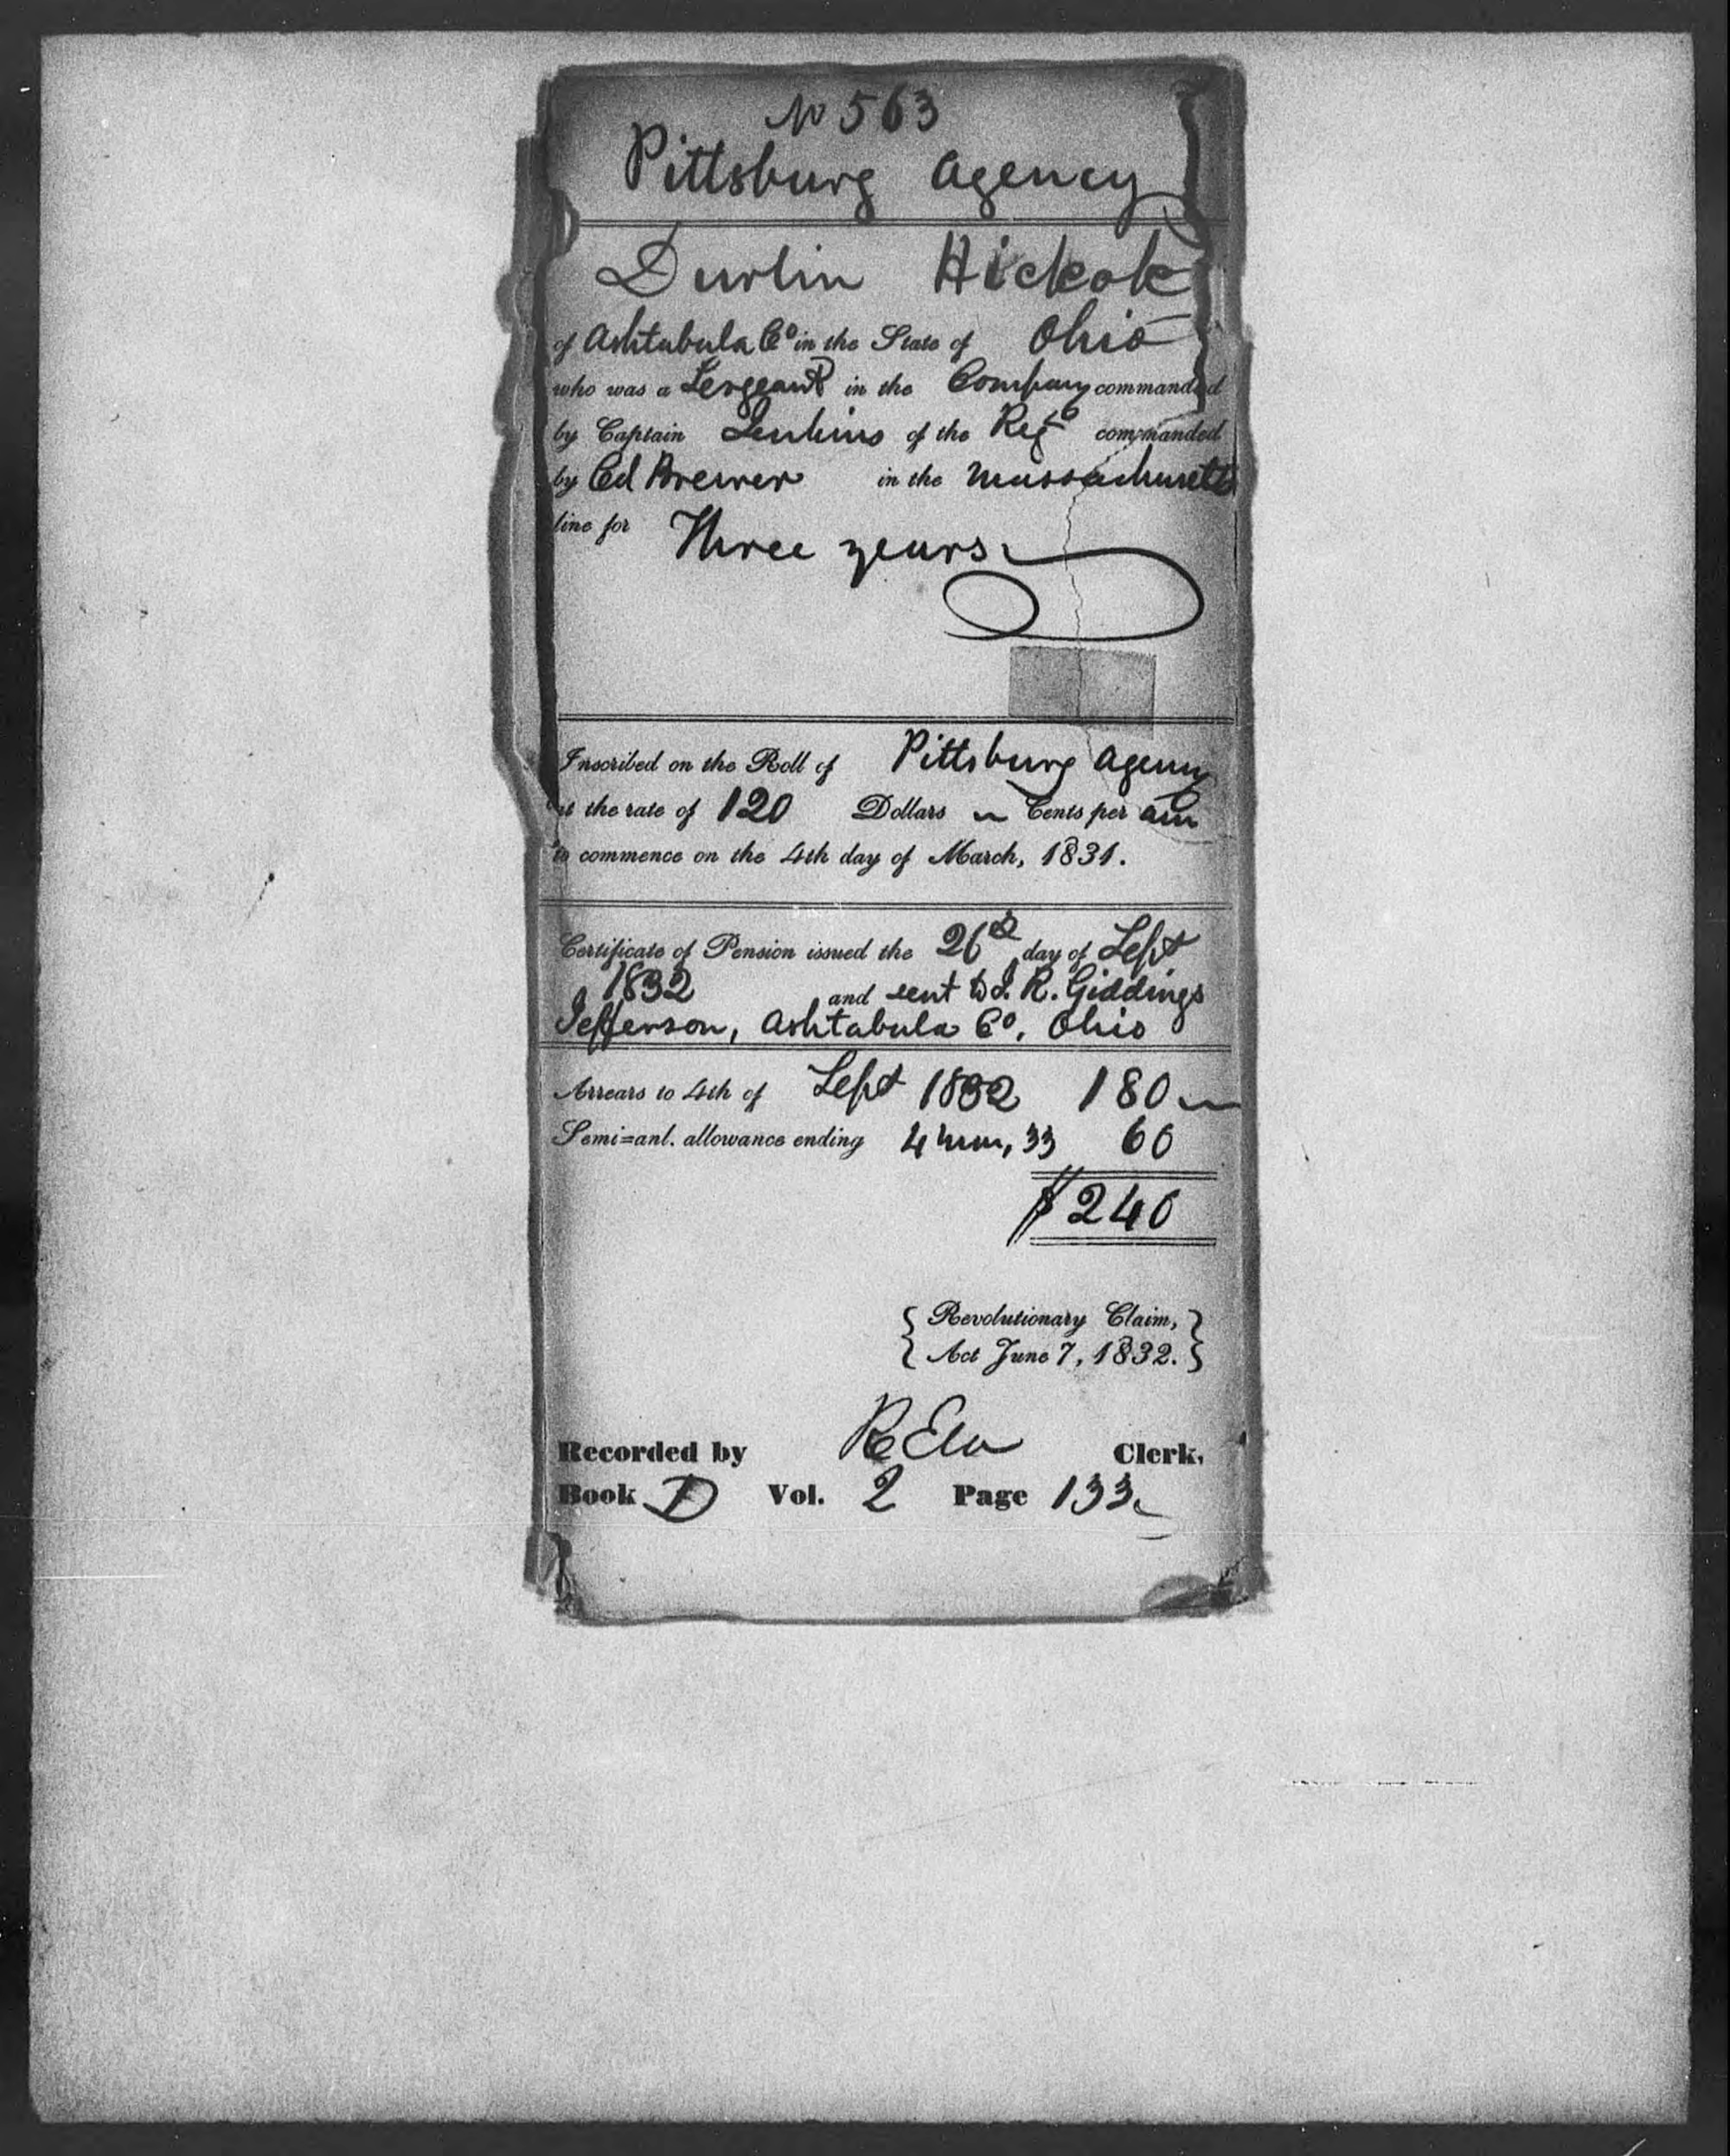No 563
Pittsburg Agency

Durlin Hickok
Of Ashtabula Co. in the Stae of Ohio
Who was a Sergeant in the Company commanded
By Captain Jenkins of the Regt commanded
By Col Brewer in the Massachusetts
Line for three years

Inscribed on the Roll of Pittsburg Agency
At the rate of 120 Dollars no Cents per annum
To commence on the 4th day of March, 1834.

Certificate of Pension issued the 26th day of Sept.
1832 and sent to J.R. Giddings
Jefferson, Ashtabula Co. Ohio

Arrears to 4th of Sept. 1832 180.00
Semi=anl. Allowance ending 4 [illegible] 33 60
$240

{Revolutionary Claim, Act June 7, 1832}

Recorded by R Ela Clerk,
Book D Vol. 2 Page 133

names: Brewer, Jenkins, R Ela, J R Giddings, Durlin Hickok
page: 2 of 45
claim: widow's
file: W. 4988, Durlin Hickok, Mass.